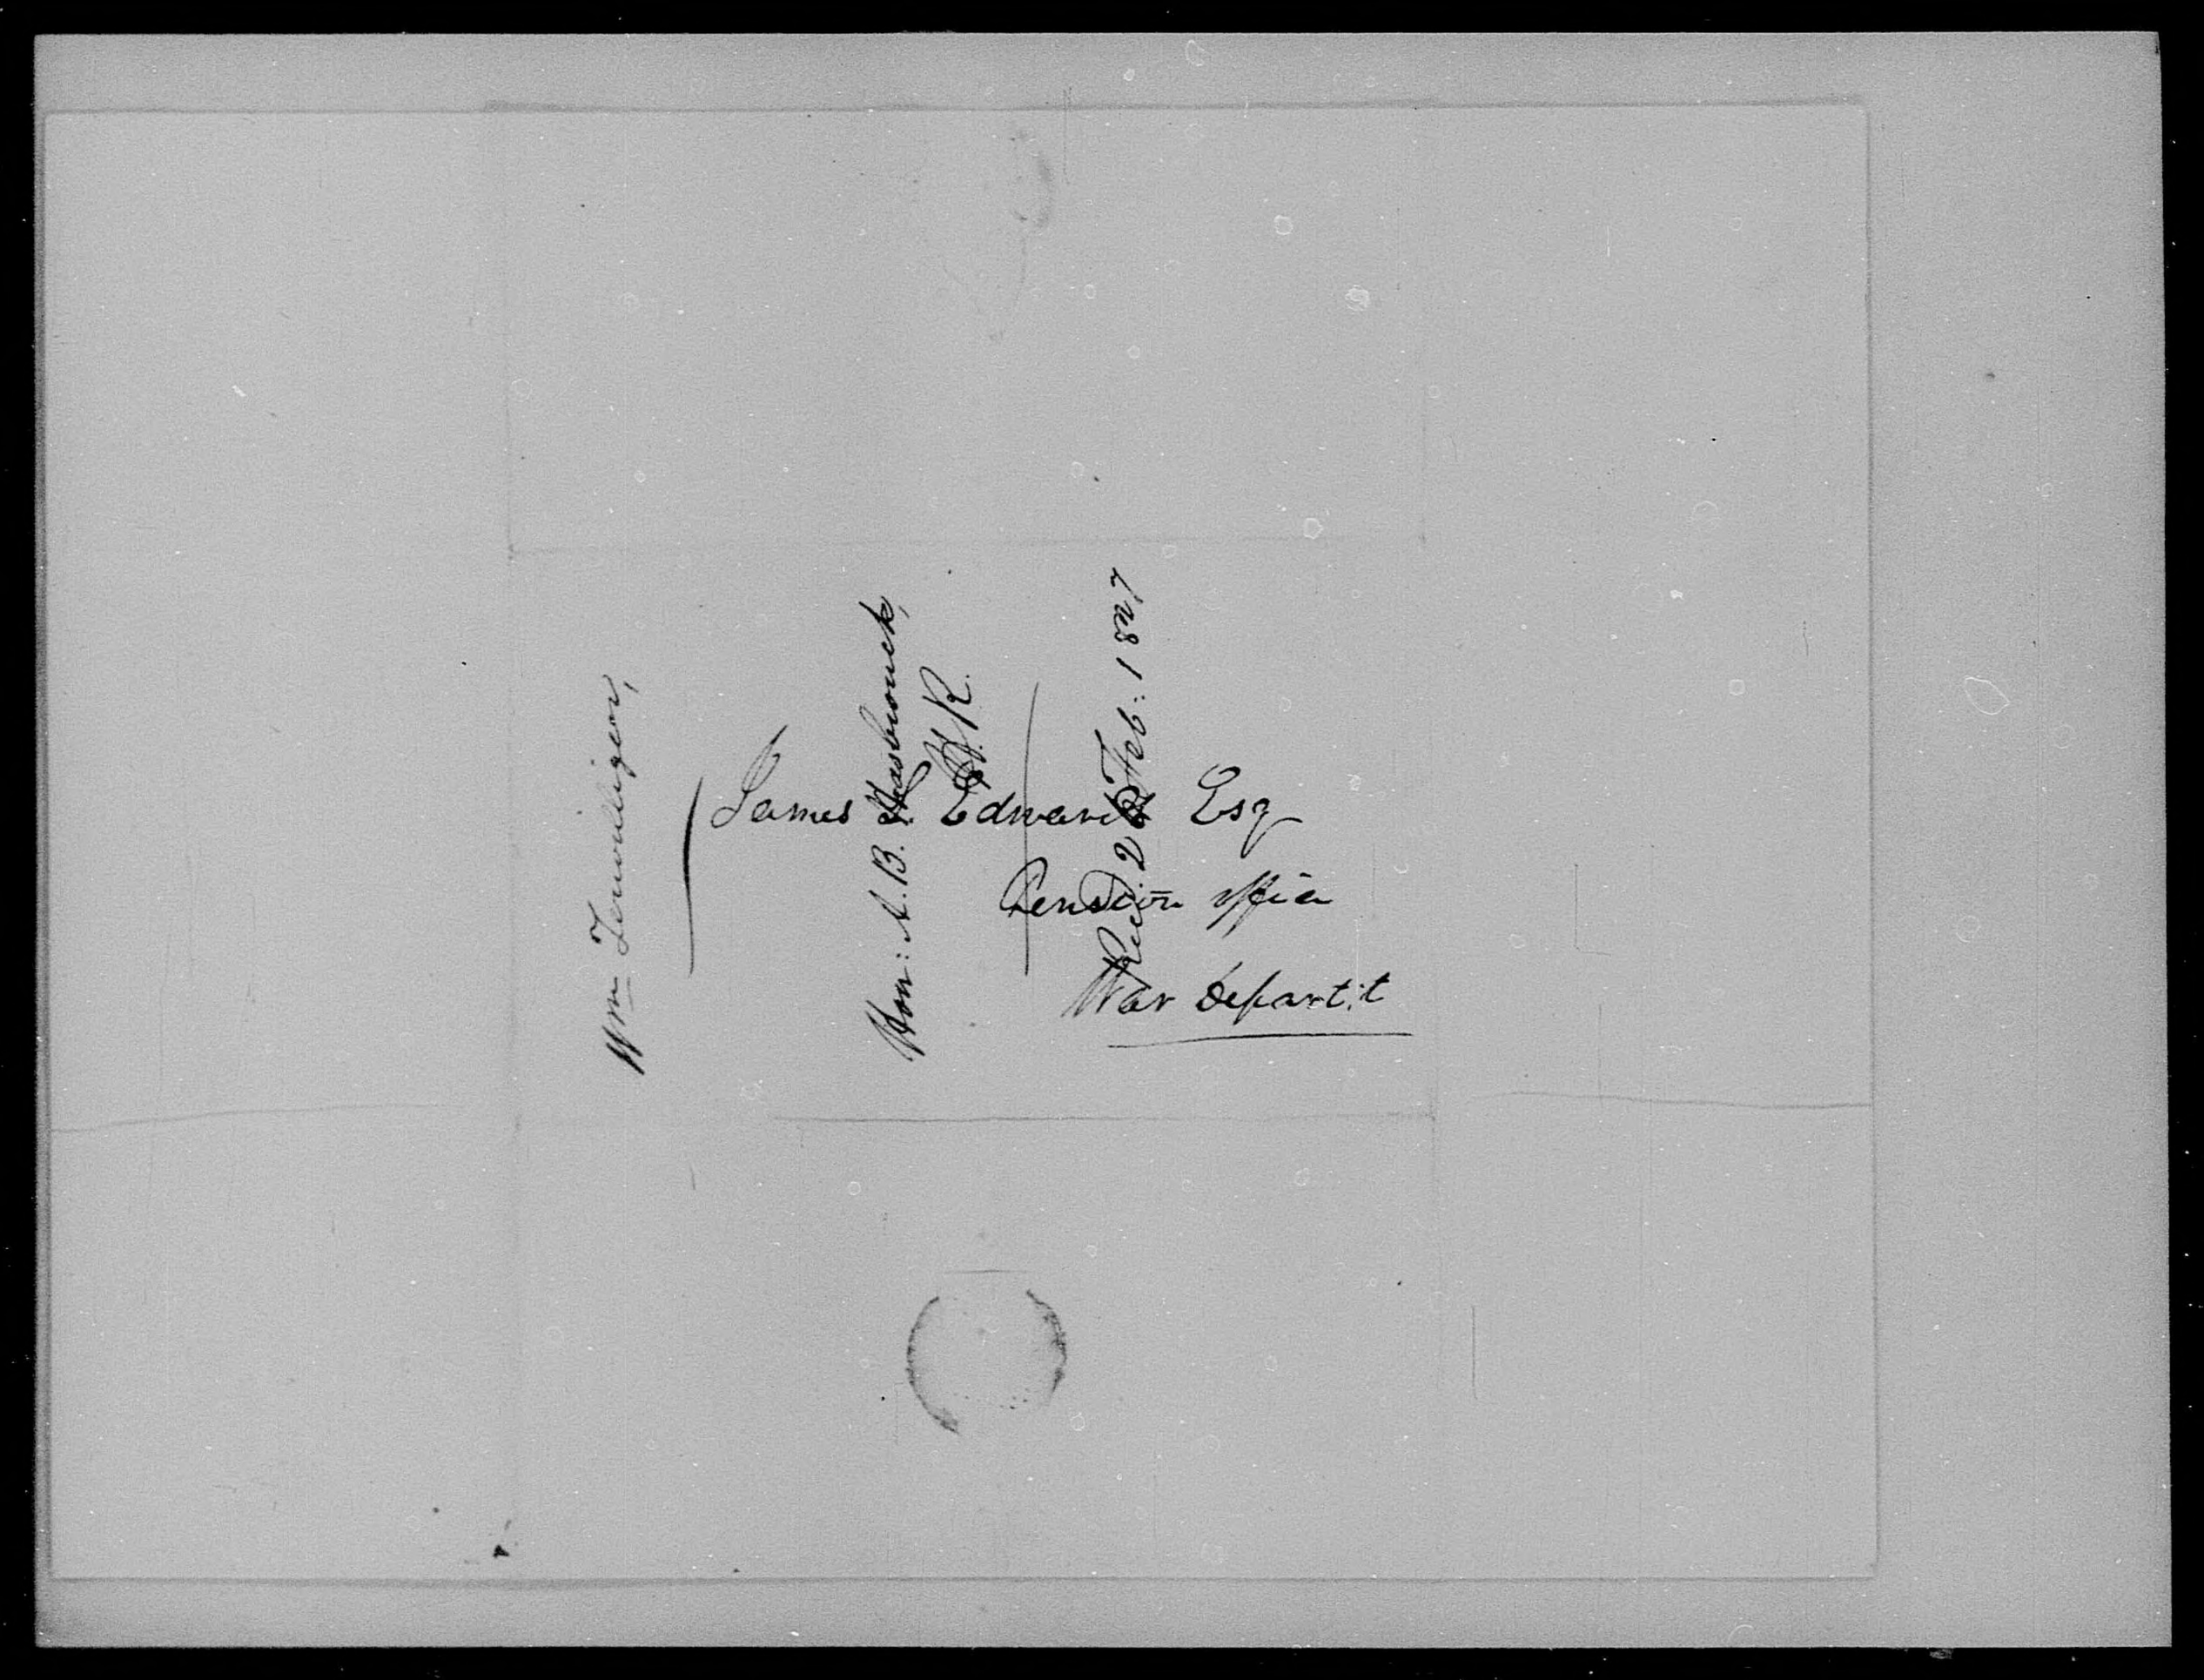Wm Terwilliger
Hon A.B. Hasbrouck
 
 Rec 2 Feb 1827

James L Edwards Esq
Pension Office
War Department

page: 56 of 64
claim: survivor's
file: S. 42,464, for William Terwilliger, New York